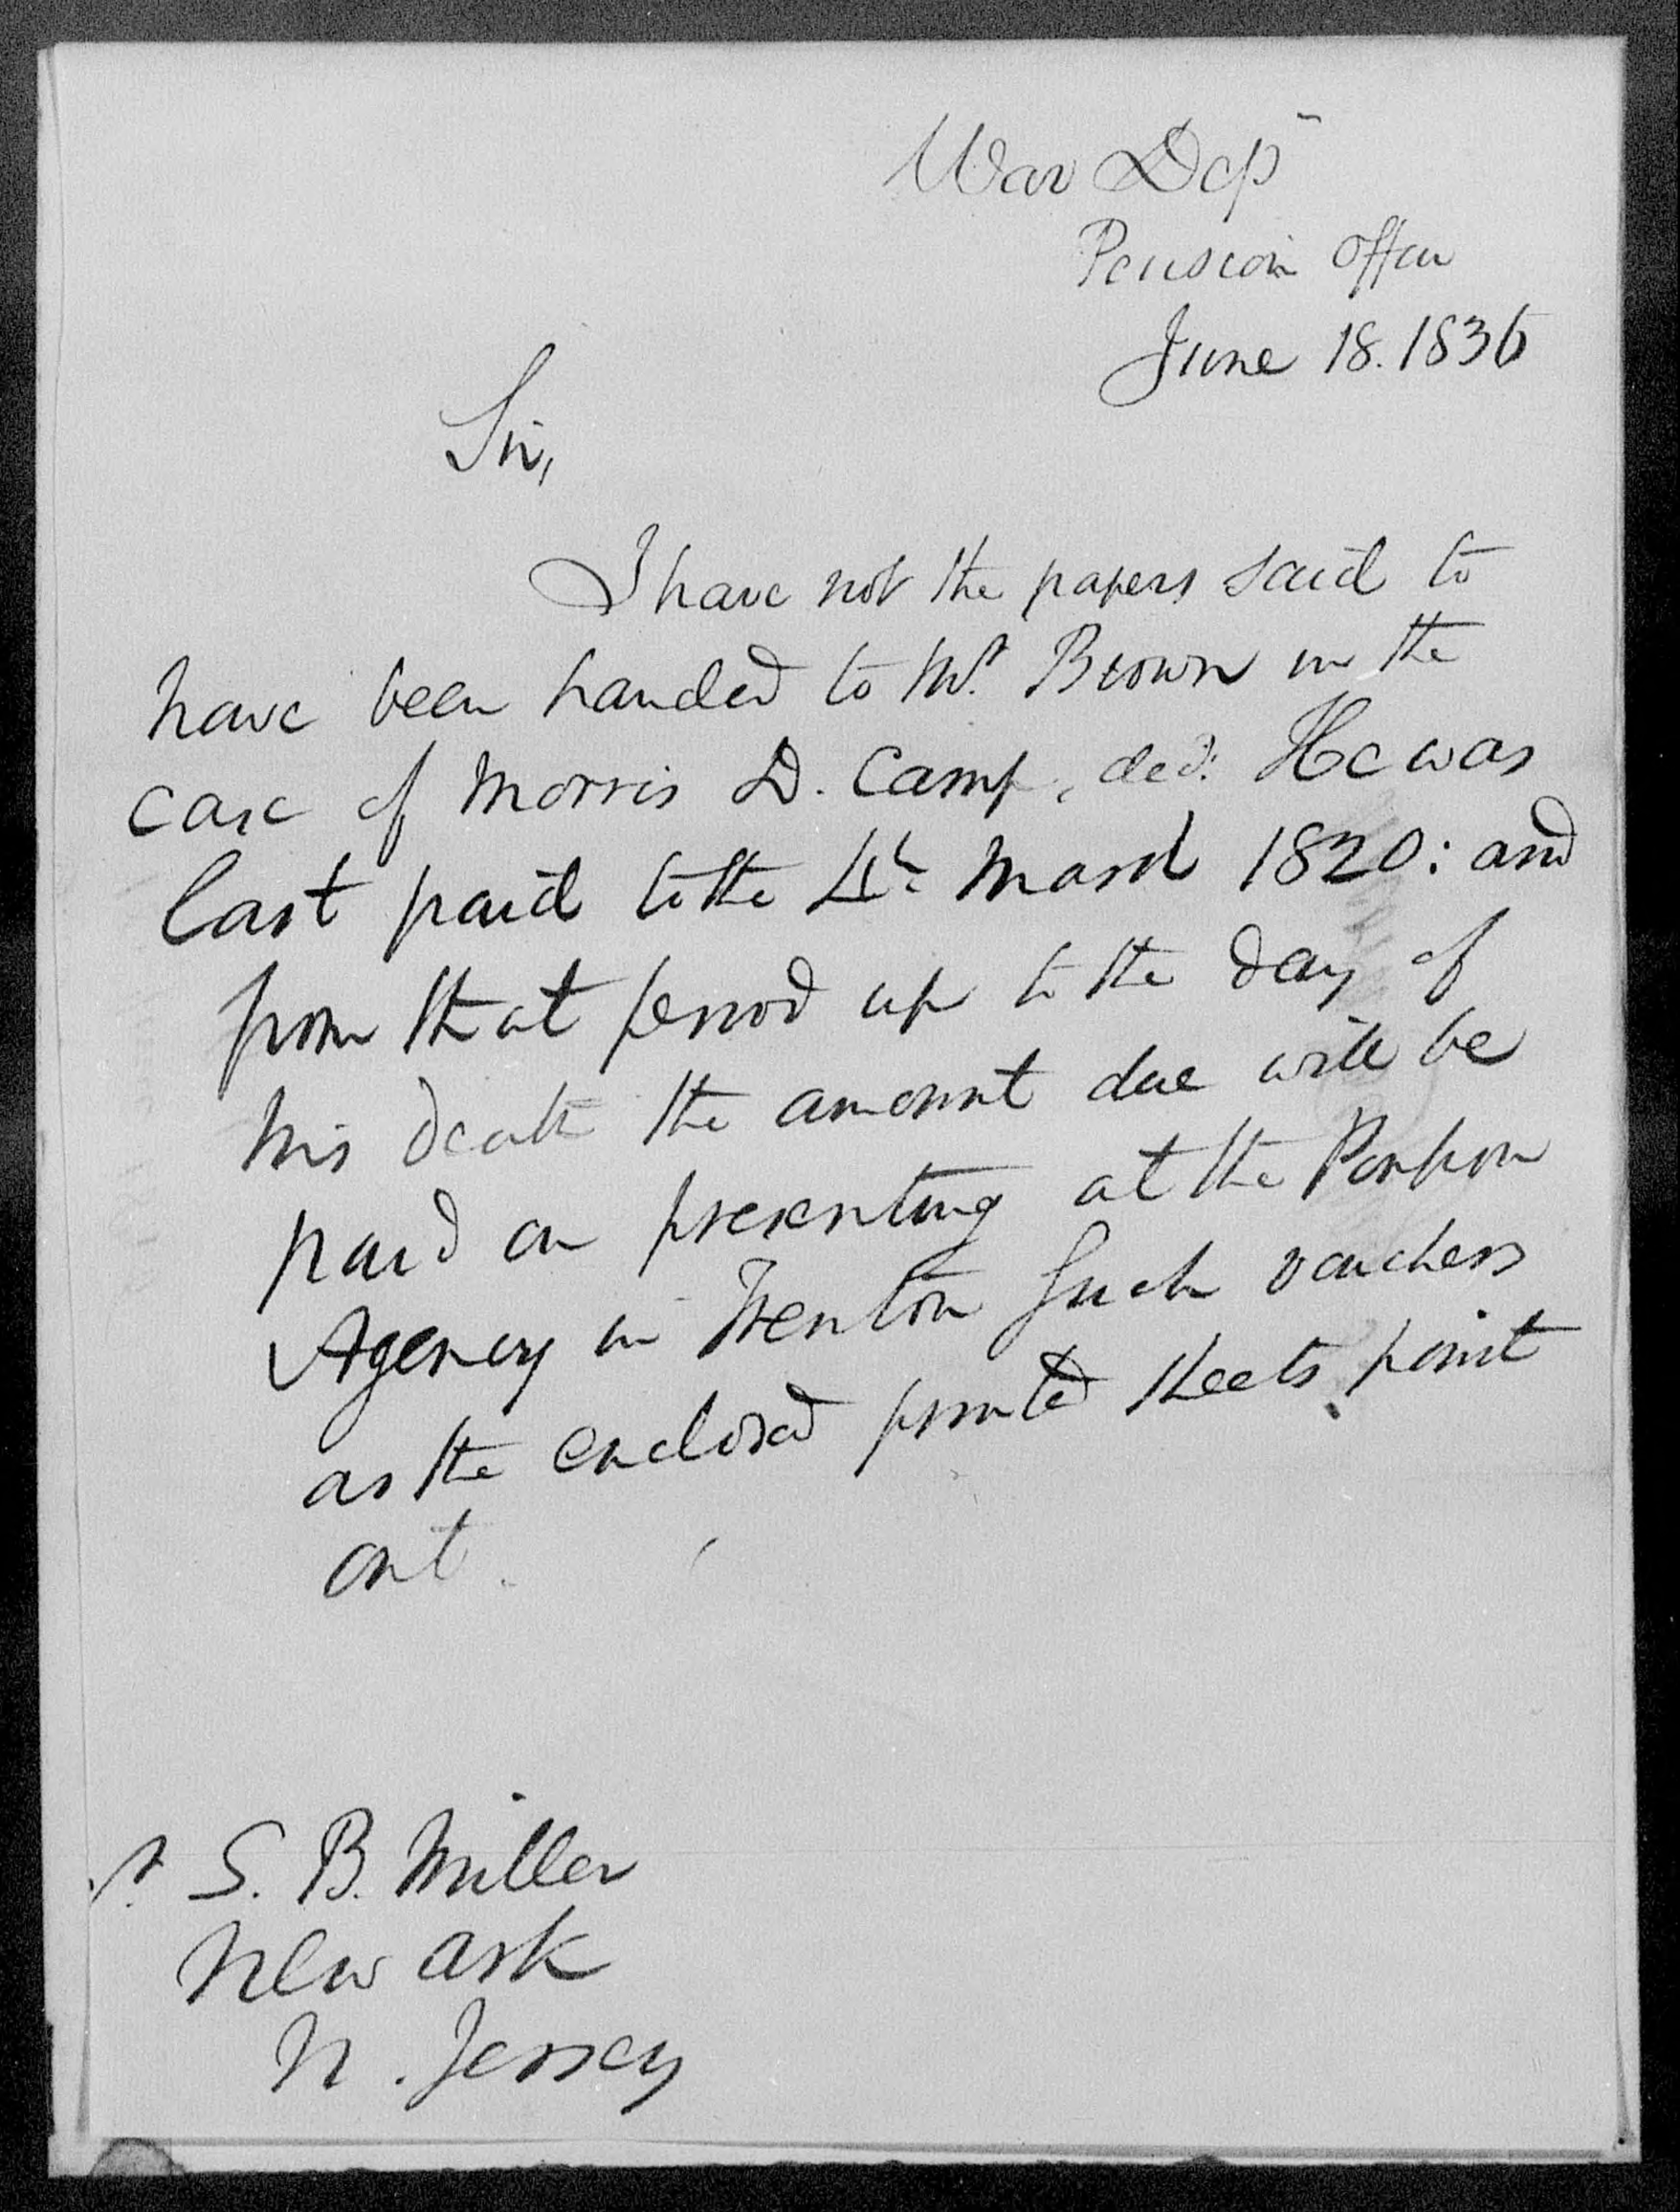War Dep 
Pension Office
June 18, 1836
Sir,
I have not the papers said to have been handed to Mr. Brown in the case of Morris D. Camp ded. He was last paid to the 4th March 1820: and from that period up to the day of his death the amount due will be paid on presenting at the pension Agency in Trenton such vouchers as the endorsed printed sheets point out 
S. B. Miller Newark N. Jersey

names: Morris D Camp, S B Miller, Brown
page: 35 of 52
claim: survivor's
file: S. 34172, Morris D Camp, Continental (New Jersey)